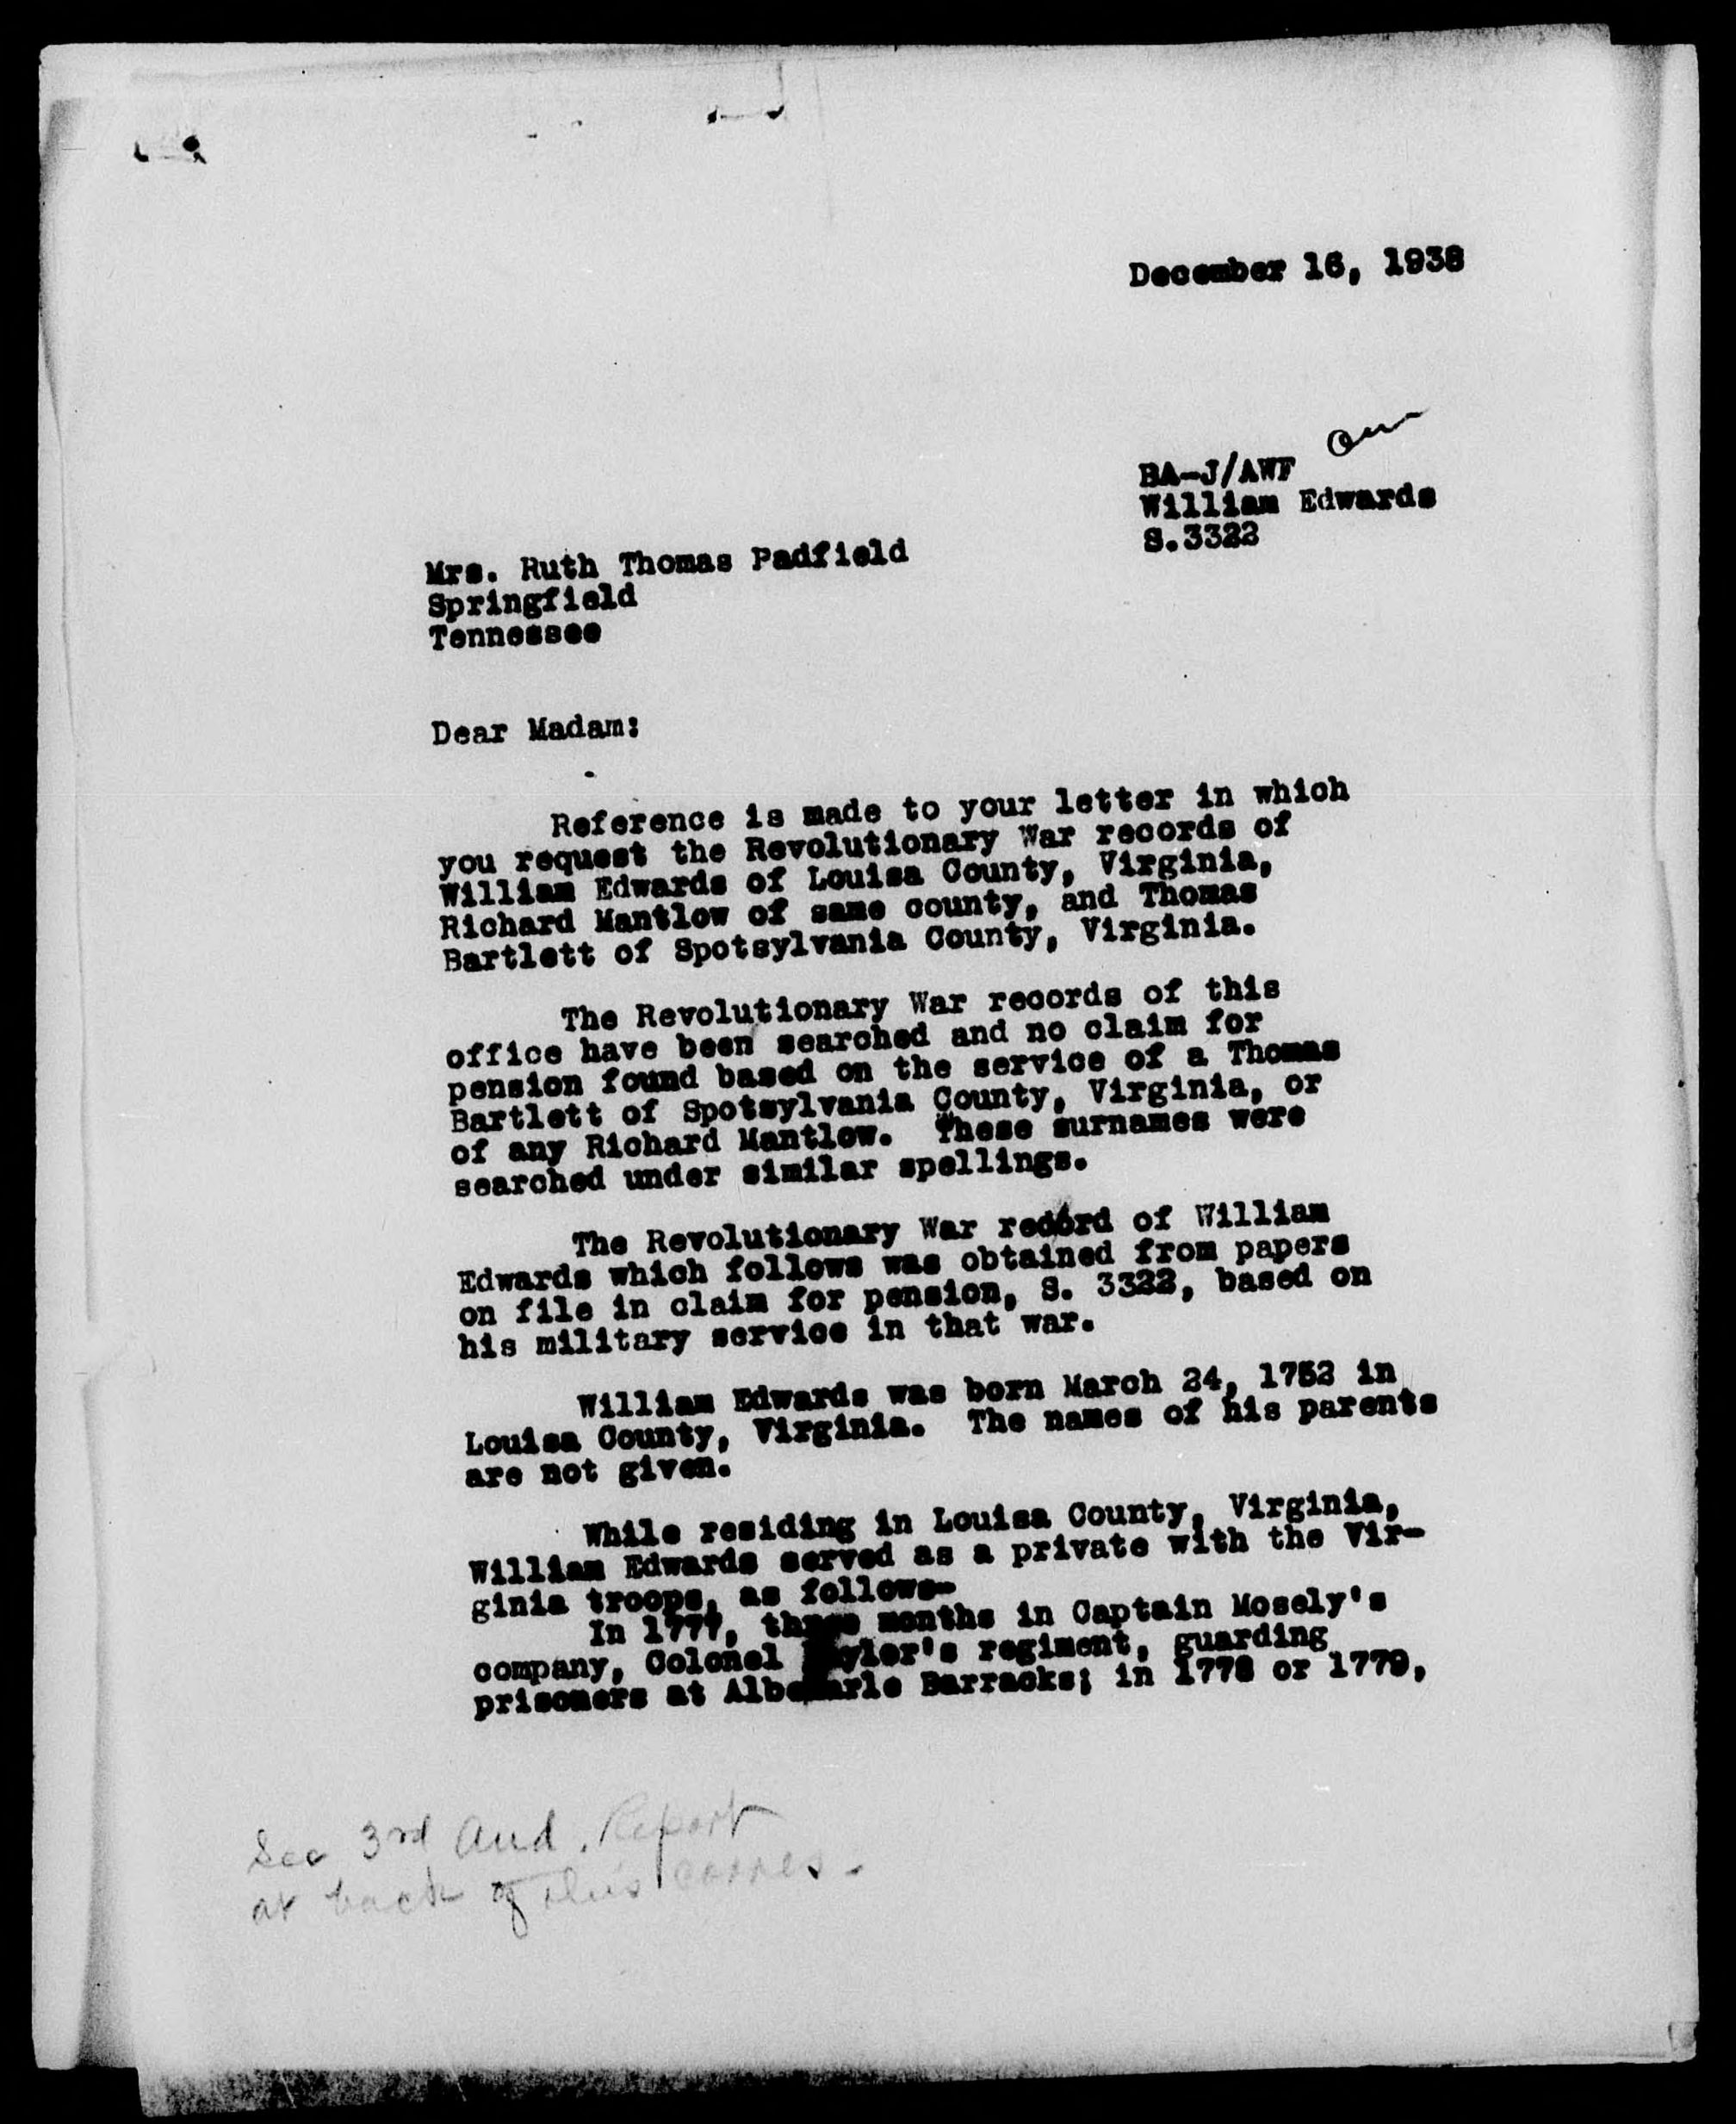December 16, 1938

BA-J/AWF
William Edwards
S. 3322

Mrs. Ruth Thomas Padfield
Springfield
Tennessee

Dear Madam:

Reference is made to your letter in which you request the Revolutionary War records of William Edwards of Louisa County, Virginia, Richard Mantlow of same county, and Thomas Bartlett of Spotsylvania County, Virginia.

The Revolutionary War records of this office have been searched and no claim for pension found based on the service of a Thomas Bartlett of Spotsylvania County, Virginia, or of any Richard Mantlow. These surnames were searched under similar spellings.

The Revolutionary War record of William Edwards which follows was obtained from papers on file in claim for pension, S. 3322, based on his military service in that war.

William Edwards was born March 24, 1752 in Louisa County, Virginia. The names of his parents are not given.

While residing in Louisa County, Virginia, William Edwards served as a private with the Virginia troops, as follows-
In 1777, three months in Captain Mosely's company, Colonel Taylor's regiment, guarding prisoners at Albemarle Barracks; in 1778 or 1779,

[handwritten note: Ssec 3rd Aud. Report at back of this corres.]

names: Ruth Thomas Padfield, Thomas Bartlett, William Edwards, William Edwards, William Edwards, William Edwards, William Edwards, Thomas Bartlett, Richard Mantlow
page: 11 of 47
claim: survivor's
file: S. 3,322, William Edwards, Va.